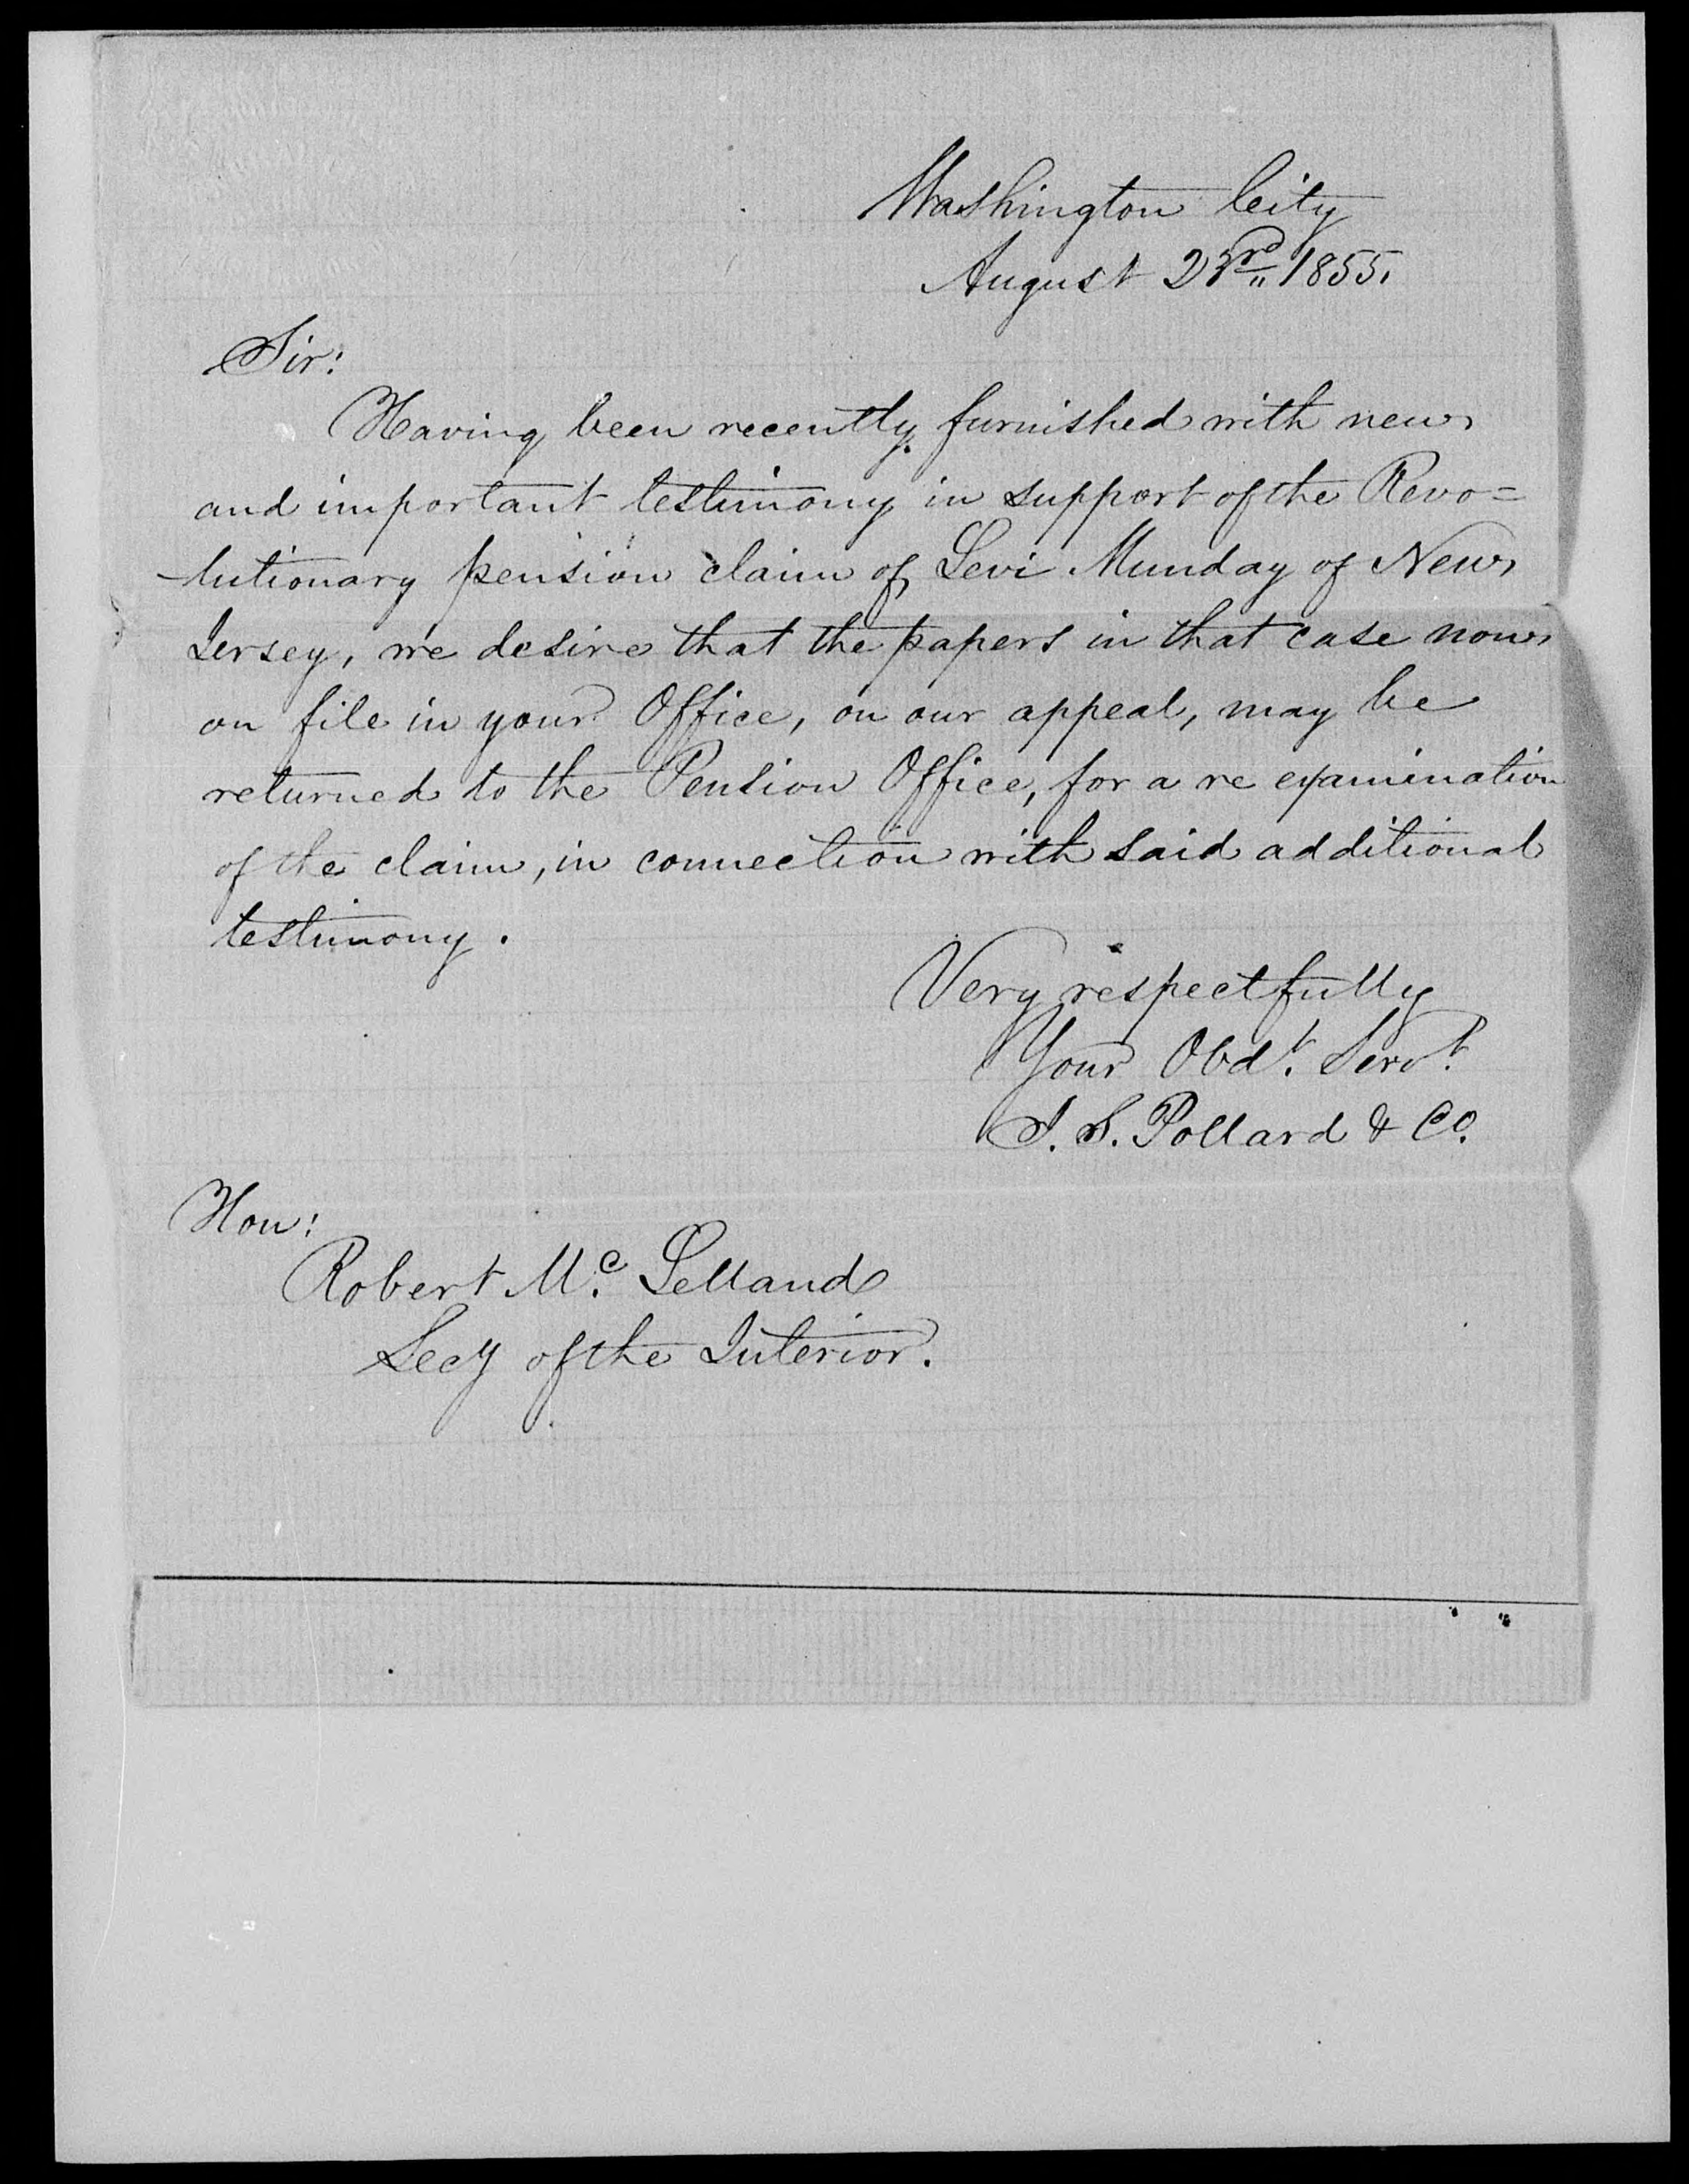Washington City
August 23rd 1855

Sir,

Having been recently furnished with new and important testimony in support of the Revolutionary pension claim of Levi Munday of New Jersey, we desire that the papers in that case now on file in your office, on our appeal, may be returned to the Pension Office, for a reexamination of the claim, in connection with said additional testimony.

Very respectfully your obe(dient) ser(vant),
s/ J.S. Pollard &c.

Hon. Robert McLelland, Sec. of the Interior.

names: J S Pollard; Robert Mc Lelland; Levi Munday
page: 90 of 95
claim: survivor's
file: S 2889, for Levi Mundy, New Jersey